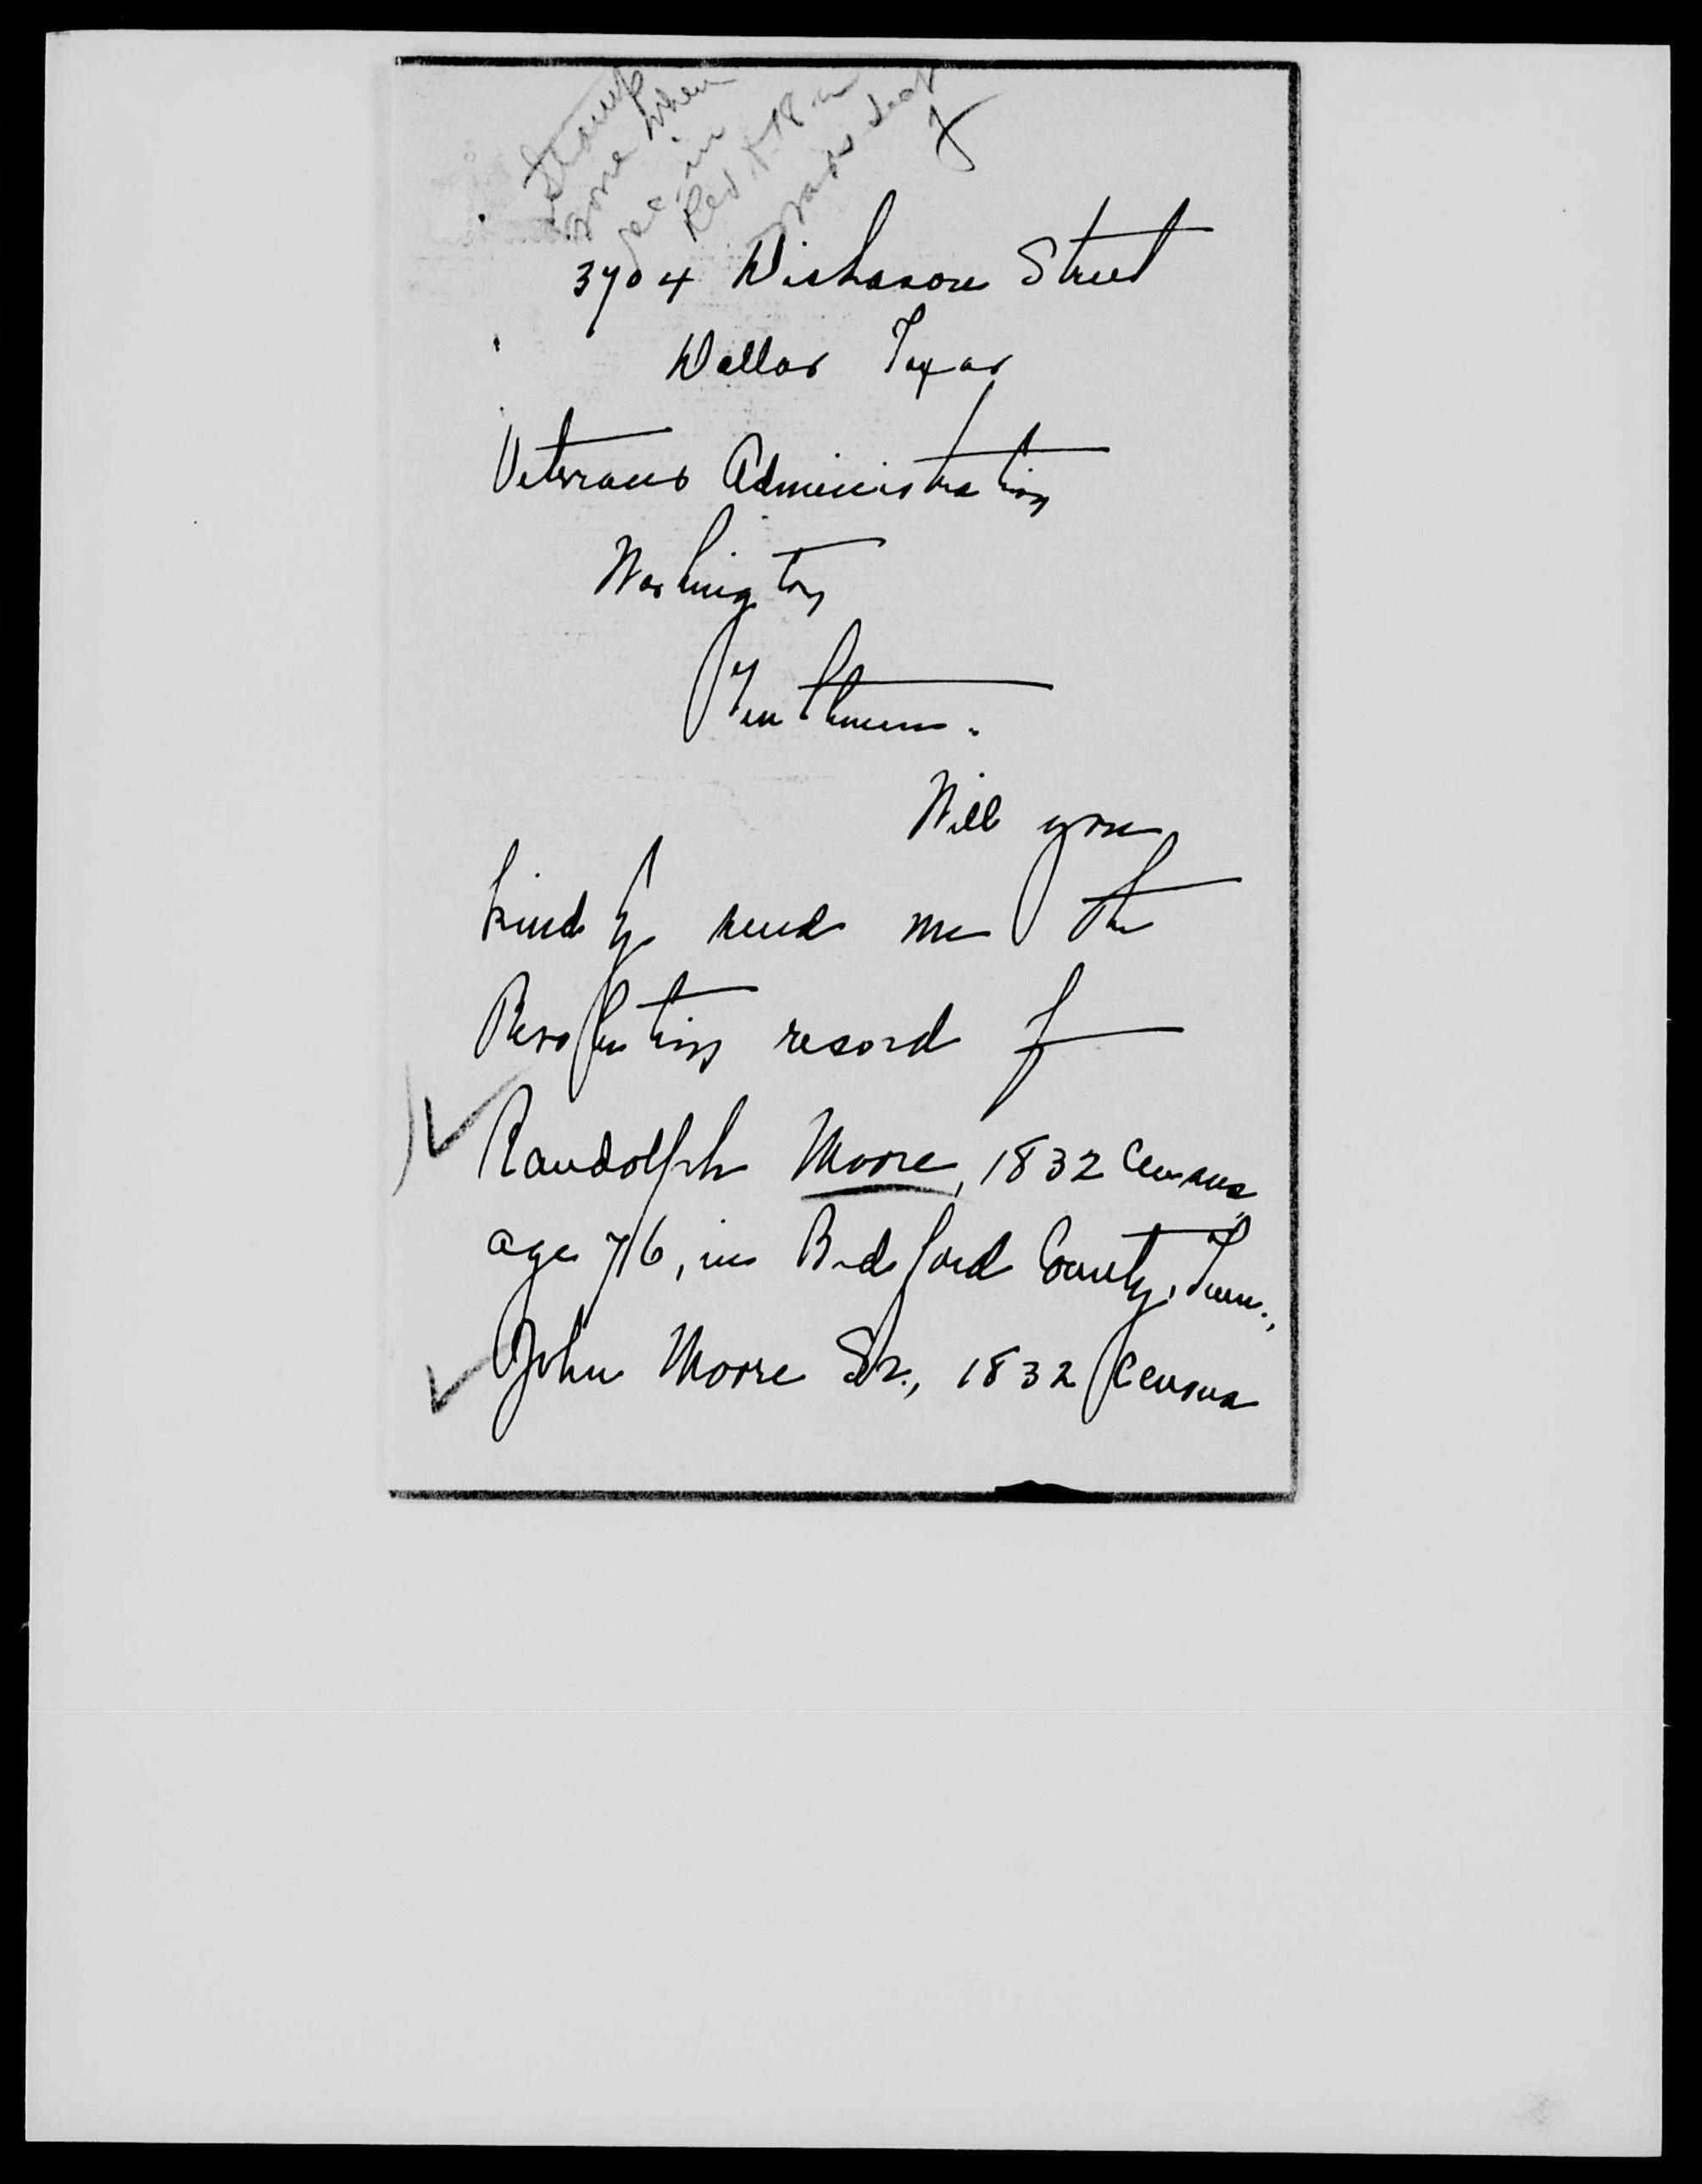3704 Dishason Street
Dallas Texas
Veteran's Administration
Washington

Gentlemen,

Will you kindly send me the Revolution record of 

Randolph Moore, 1832 Census age 76, in Bedford County, Tenn.

John Moore Sr. 1832 Census

[note- Stamp gone when rec. in Rev. & 1812 Wars Sect. J]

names: John Moore; Randolph Moore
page: 30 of 33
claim: widow's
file: W. 52, for Randolph Moore, North Carolina